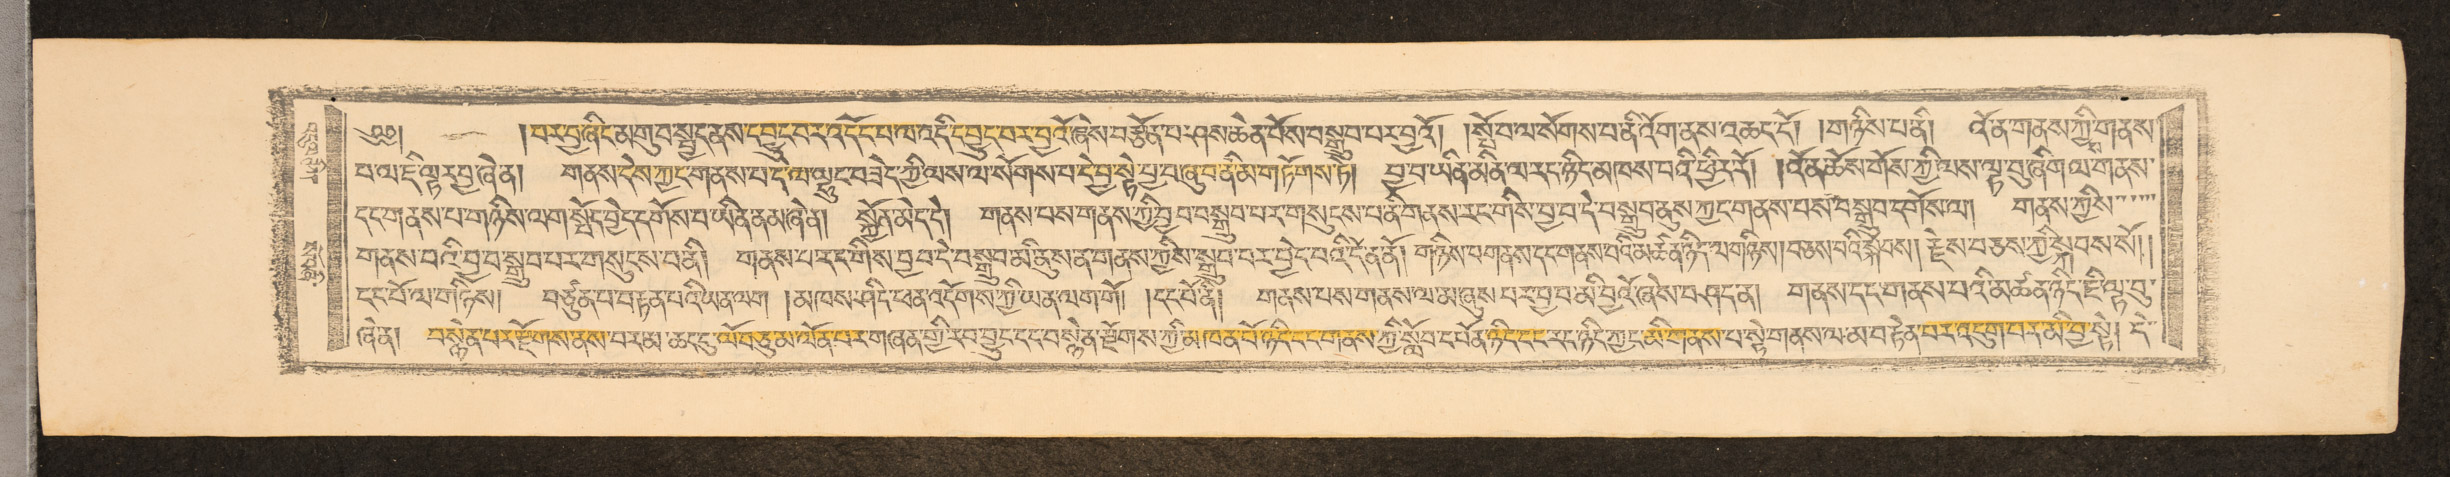༄༅། །པར་བྱ་ཞིང་མགུ་བ་སྤྱད་ནས་དབྱུང་པར་འདོད་པ་ལ་འདིར་བྱུང་བར་བྱའོ་ཞེས་བརྩོན་པ་ཤས་ཆེན་པོས་བསྒྲུབ་པར་བྱའོ། །སྤོ་བ་ལ་སོགས་པ་ནི་འོག་ནས་འཆད་དོ། །གཉིས་པ་ནི། འོ་ན་གནས་ཀྱིས་གནས་
པ་ལ་ཇི་ལྟར་བྱ་ཞེ་ན། གནས་ངེས་ཀྱང་གནས་པ་དེ་ལ་ལྷུང་བཟེད་ཀྱི་ལས་ལ་སོགས་པ་དབྱེ་སྟེ་བྱ་བ་ཞུ་བ་ནི་མ་གཏོགས་ཏེ། བྱ་བ་ཡིན་མིན་ལ་རང་ཉིད་མཁས་པའི་ཕྱིར་རོ། །འོ་ན་ཆོས་གོས་ཀྱི་ལས་ལྟ་བུ་ཞིག་ལ་གནས་
དང་གནས་པ་གཉིས་ལག་སྤོང་བྱེད་དགོས་པ་ཡིན་ནམ་ཞེ་ན། སྐྱོན་མེད་དེ། གནས་པས་གནས་ཀྱི་བྱ་བ་བསྒྲུབ་པར་གསུངས་པ་ནི་གནས་རང་གིས་བྱ་བ་དེ་བསྒྲུབ་ནུས་ཀྱང་གནས་པས་བསྒྲུབ་དགོས་ལ། གནས་ཀྱིས་
གནས་པའི་བྱ་བ་སྒྲུབ་པར་གསུངས་པ་ནི། གནས་པ་རང་གིས་བྱ་བ་དེ་བསྒྲུབ་མི་ནུས་ན་གནས་ཀྱིས་སྒྲུབ་པར་བྱེད་པའི་དོན་ནོ། གཉིས་པ་གནས་དང་གནས་པའི་མཚན་ཉིད་ལ་གཉིས། བཅས་པའི་སྐབས། རྗེས་བཅས་ཀྱི་སྐབས་སོ།།
དང་པོ་ལ་གཉིས། བཙུན་པ་བརྟན་པའི་ཡན་ལག །མཁས་ཤིང་ཕན་འདོགས་ཀྱི་ཡན་ལག་གོ། །དང་པོ་ནི། གནས་པས་གནས་ལ་མ་ཞུས་པར་བྱ་བ་མི་བྱའོ་ཞེས་བཤད་ན། གནས་དང་གནས་པའི་མཚན་ཉིད་ཇི་ལྟ་བུ་
ཞེ་ན། བསྙེན་པར་རྫོགས་ནས་བར་མ་ཆད་དུ་ལོ་བཅུ་མ་ལོན་པར་གཞན་གྱི་རབ་བྱུང་དང་བསྙེན་རྫོགས་ཀྱི་མཁན་པོ་ཉིད་དང་གནས་ཀྱི་སློབ་དཔོན་ཉིད་དང་རང་ཉིད་ཀྱང་མི་གནས་པ་སྟེ་གནས་ལ་མ་བརྟེན་པར་འདུག་པར་མི་བྱ་སྟེ། དེ་